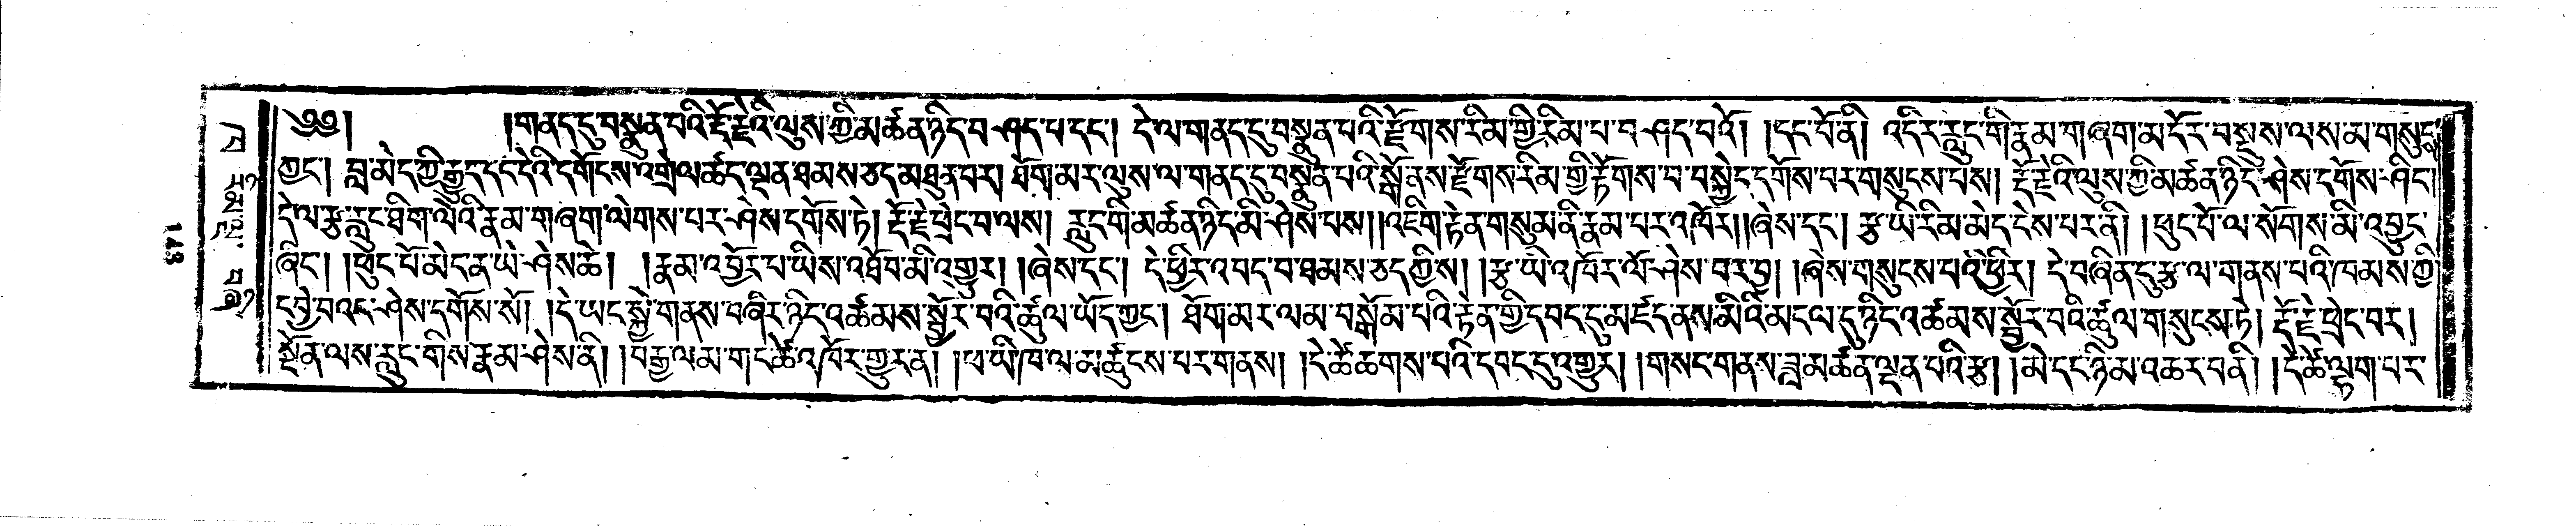༄༅། །གནད་དུ་བསྣུན་པའི་རྡོ་རྗེའི་ལུས་ཀྱི་མཚན་ཉིད་བཤད་པ་དང་། དེ་ལ་གནད་དུ་བསྣུན་པའི་རྫོགས་རིམ་གྱི་རིམ་པ་བཤད་པའོ། །དང་པོ་ནི། འདིར་རླུང་གི་རྣམ་གཞག་མདོར་བསྡུས་ལས་མ་གསུངས་
ཀྱང་། བླ་མེད་ཀྱི་རྒྱུད་དང་དེའི་དགོངས་འགྲེལ་ཚད་ལྡན་ཐམས་ཅད་མཐུན་པར། ཐོག་མར་ལུས་ལ་གནད་དུ་བསྣུན་པའི་སྒོ་ནས་རྫོགས་རིམ་གྱི་རྟོགས་པ་བསྐྱེད་དགོས་པར་གསུངས་པས། རྡོ་རྗེའི་ལུས་ཀྱི་མཚན་ཉིད་ཤེས་དགོས་ཤིང་
དེ་ལ་རྩ་རླུང་ཐིག་ལེའི་རྣམ་གཞག་ལེགས་པར་ཤེས་དགོས་ཏེ། རྡོ་རྗེ་ཕྲེང་བ་ལས། རླུང་གི་མཚན་ཉིད་མི་ཤེས་པས། །འཇིག་རྟེན་གསུམ་ནི་རྣམ་པར་འཁོར། །ཞེས་དང་། རྩ་ཡི་རིམ་མེད་ངེས་པར་ནི། །ཕུང་པོ་ལ་སོགས་མི་འབྱུང་
ཞིང་། །ཕུང་པོ་མེད་ན་ཡེ་ཤེས་ཆེ། །རྣམ་འབྱོར་པ་ཡིས་འཐོབ་མི་འགྱུར། །ཞེས་དང་། དེ་ཕྱིར་འབད་པ་ཐམས་ཅད་ཀྱིས། །རྩ་ཡི་འཁོར་ལོ་ཤེས་པར་བྱ། །ཞེས་གསུངས་པའི་ཕྱིར། དེ་བཞིན་དུ་རྩ་ལ་གནས་པའི་ཁམས་ཀྱི་
དབྱེ་བའང་ཤེས་དགོས་སོ། །དེ་ཡང་སྐྱེ་གནས་བཞིར་ཉིང་འཚམས་སྦྱོར་བའི་ཚུལ་ཡོད་ཀྱང་། ཐོག་མར་ལམ་བསྒོམ་པའི་རྟེན་གྱི་དབང་དུ་མཛད་ནས་མིའི་མངལ་དུ་ཉིང་འཚམས་སྦྱོར་བའི་ཚུལ་གསུངས་ཏེ། རྡོ་རྗེ་ཕྲེང་བར།
སྔོན་ལས་རླུང་གིས་རྣམ་ཤེས་ནི། །བརྒྱ་ལམ་གང་ཚེ་འཁོར་གྱུར་ན། །ཕ་ཡི་ཁ་ལ་མཚུངས་པར་གནས། །དེ་ཚེ་ཆགས་པའི་དབང་དུ་འགྱུར། །གསང་གནས་ཟླ་མཚན་ལྡན་པའི་རྩ། །མེ་དང་ཉི་མ་འཆར་བ་ནི། །དེ་ཚེ་ལྷག་པར་